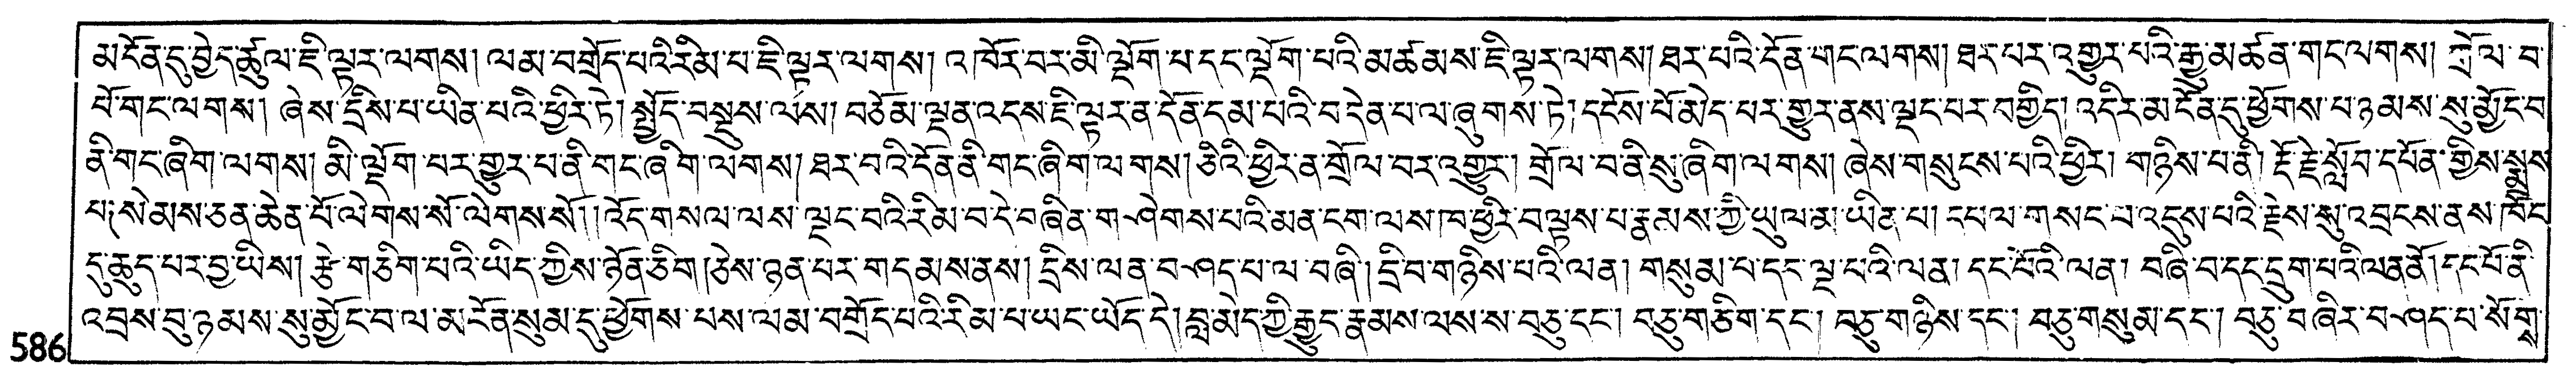མངོན་དུ་བྱེད་ཚུལ་ཇི་ལྟར་ལགས། ལམ་བགྲོད་པའི་རིམ་པ་ཇི་ལྟར་ལགས། འཁོར་བར་མི་ལྡོག་པ་དང་ལྡོག་པའི་མཚམས་ཇི་ལྟར་ལགས། ཐར་པའི་དོན་གང་ལགས། ཐར་པར་འགྱུར་པའི་རྒྱུ་མཚན་གང་ལགས། གྲོལ་བ་
པོ་གང་ལགས། ཞེས་དྲིས་པ་ཡིན་པའི་ཕྱིར་ཏེ། སྤྱོད་བསྡུས་ལས། བཅོམ་ལྡན་འདས་ཇི་ལྟར་ན་དོན་དམ་པའི་བདེན་པ་ལ་ཞུགས་ཏེ། དངོས་པོ་མེད་པར་གྱུར་ནས་ལྡང་པར་བགྱིད། འདིར་མངོན་དུ་ཕྱོགས་པ་ཉམས་སུ་མྱོང་བ་
ནི་གང་ཞིག་ལགས། མི་ལྡོག་པར་གྱུར་པ་ནི་གང་ཞིག་ལགས། ཐར་བའི་དོན་ནི་གང་ཞིག་ལགས། ཅིའི་ཕྱིར་ན་གྲོལ་བར་འགྱུར། གྲོལ་བ་ནི་སུ་ཞིག་ལགས། ཞེས་གསུངས་པའི་ཕྱིར། གཉིས་པ་ནི། རྡོ་རྗེ་སློབ་དཔོན་གྱིས་སྨྲས་
པ༑ སེམས་ཅན་ཆེན་པོ་ལེགས་སོ་ལེགས་སོ། །འོད་གསལ་ལས་ལྡང་བའི་རིམ་པ་དེ་བཞིན་གཤེགས་པའི་མན་ངག་ལས་ཁ་ཕྱིར་བལྟས་པ་རྣམས་ཀྱི་ཡུལ་མ་ཡིན་པ། དཔལ་གསང་བ་འདུས་པའི་རྗེས་སུ་འབྲངས་ནས་ཁོང་
དུ་ཆུད་པར་བྱ་ཡིས། རྩེ་གཅིག་པའི་ཡིད་ཀྱིས་ཉོན་ཅིག །ཅེས་ཉན་པར་གདམས་ནས། དྲིས་ལན་བཤད་པ་ལ་བཞི། དྲི་བ་གཉིས་པའི་ལན། གསུམ་པ་དང་ལྔ་པའི་ལན། དང་པོའི་ལན། བཞི་བ་དང་དྲུག་པའི་ལན་ནོ། དང་པོ་ནི་
འབྲས་བུ་ཉམས་སུ་མྱོང་བ་ལ་མངོན་སུམ་དུ་ཕྱོགས་པས་ལམ་བགྲོད་པའི་རིམ་པ་ཡང་ཡོད་དེ། བླ་མེད་ཀྱི་རྒྱུད་རྣམས་ལས་ས་བཅུ་དང་། བཅུ་གཅིག་དང་། བཅུ་གཉིས་དང་། བཅུ་གསུམ་དང་། བཅུ་བཞིར་བཤད་པ་སོགས་